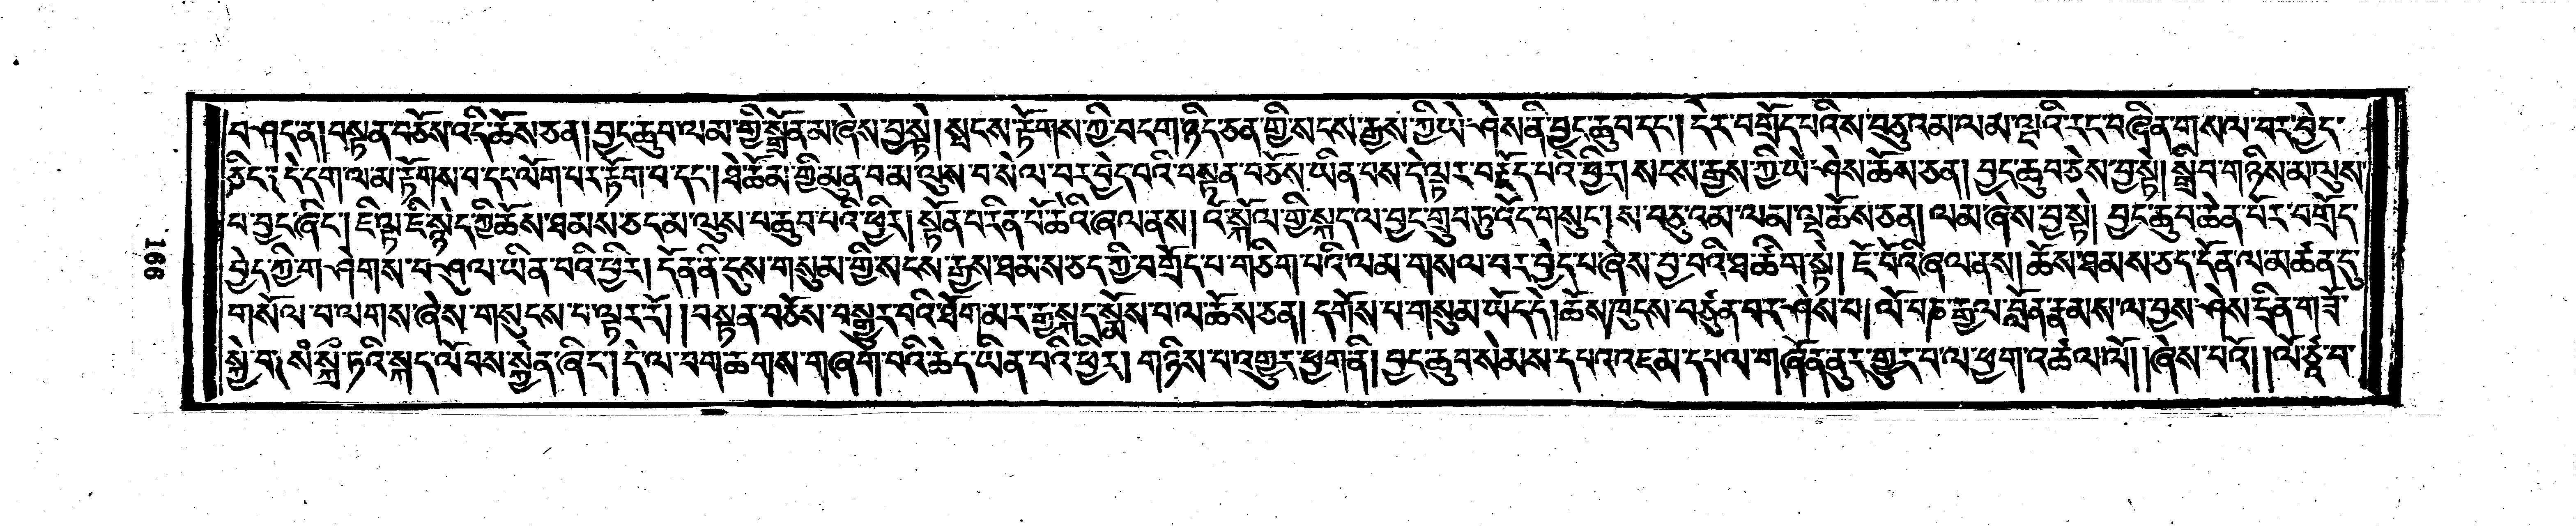བཤད་ན། བསྟན་བཅོས་འདི་ཆོས་ཅན། བྱང་ཆུབ་ལམ་གྱི་སྒྲོན་མ་ཞེས་བྱ་སྟེ། སྤངས་རྟོགས་ཀྱི་བདག་ཉིད་ཅན་གྱི་སངས་རྒྱས་ཀྱི་ཡེ་ཤེས་ནི་བྱང་ཆུབ་དང་། དེར་བགྲོད་པའི་ས་བཅུའམ་ལམ་ལྔའི་རང་བཞིན་གསལ་བར་བྱེད་
ཅིང་། དེ་དག་ལ་མ་རྟོགས་པ་དང་ལོག་པར་རྟོག་པ་དང་། ཐེ་ཚོམ་གྱི་མུན་པ་མ་ལུས་པ་སེལ་བར་བྱེད་པའི་བསྟན་བཅོས་ཡིན་པས་དེ་ལྟར་བརྗོད་པའི་ཕྱིར། སངས་རྒྱས་ཀྱི་ཡེ་ཤེས་ཆོས་ཅན། བྱང་ཆུབ་ཅེས་བྱ་སྟེ། སྒྲིབ་གཉིས་མ་ལུས་
པ་བྱང་ཞིང་། ཇི་ལྟ་ཇི་སྙེད་ཀྱི་ཆོས་ཐམས་ཅད་མ་ལུས་པ་ཆུབ་པའི་ཕྱིར། སྟོན་པ་རིན་པོ་ཆེའི་ཞལ་ནས། འོ་སྐོལ་གྱི་སྐད་ལ་བྱང་གྲུབ་ཏུ་འོང་གསུང་། ས་བཅུའམ་ལམ་ལྔ་ཆོས་ཅན། ལམ་ཞེས་བྱ་སྟེ། བྱང་ཆུབ་ཆེན་པོར་བགྲོད་
བྱེད་ཀྱི་གཤེགས་བཤུལ་ཡིན་པའི་ཕྱིར། དོན་ནི་དུས་གསུམ་གྱི་སངས་རྒྱས་ཐམས་ཅད་ཀྱི་བགྲོད་པ་གཅིག་པའི་ལམ་གསལ་བར་བྱེད་པ་ཞེས་བྱ་བའི་ཐ་ཚིག་སྟེ། ཇོ་བོའི་ཞལ་ནས། ཆོས་ཐམས་ཅད་དོན་ལ་མཚན་དུ་
གསོལ་བ་ལགས་ཞེས་གསུངས་པ་ལྟར་རོ། །བསྟན་བཅོས་བསྒྱུར་བའི་ཐོག་མར་རྒྱ་སྐད་སྨོས་པ་ལ་ཆོས་ཅན། དགོས་པ་གསུམ་ཡོད་དེ། ཆོས་ཁུངས་བཙུན་པར་ཤེས་པ། ལོ་པཎ་རྒྱལ་བློན་རྣམས་ལ་བྱས་ཤེས་དྲིན་གཟོ་
སྐྱེ་བ། སཾ་སྐྲྀ་ཏའི་སྐད་ལོབས་སྐྱེན་ཞིང་། དེ་ལ་བག་ཆགས་གཞག་པའི་ཆེད་ཡིན་པའི་ཕྱིར། གཉིས་པ་འགྱུར་ཕྱག་ནི། བྱང་ཆུབ་སེམས་དཔའ་འཇམ་དཔལ་གཞོན་ནུར་གྱུར་པ་ལ་ཕྱག་འཚལ་ལོ། །ཞེས་པའོ། །ལོ་ཙཱ་བ་